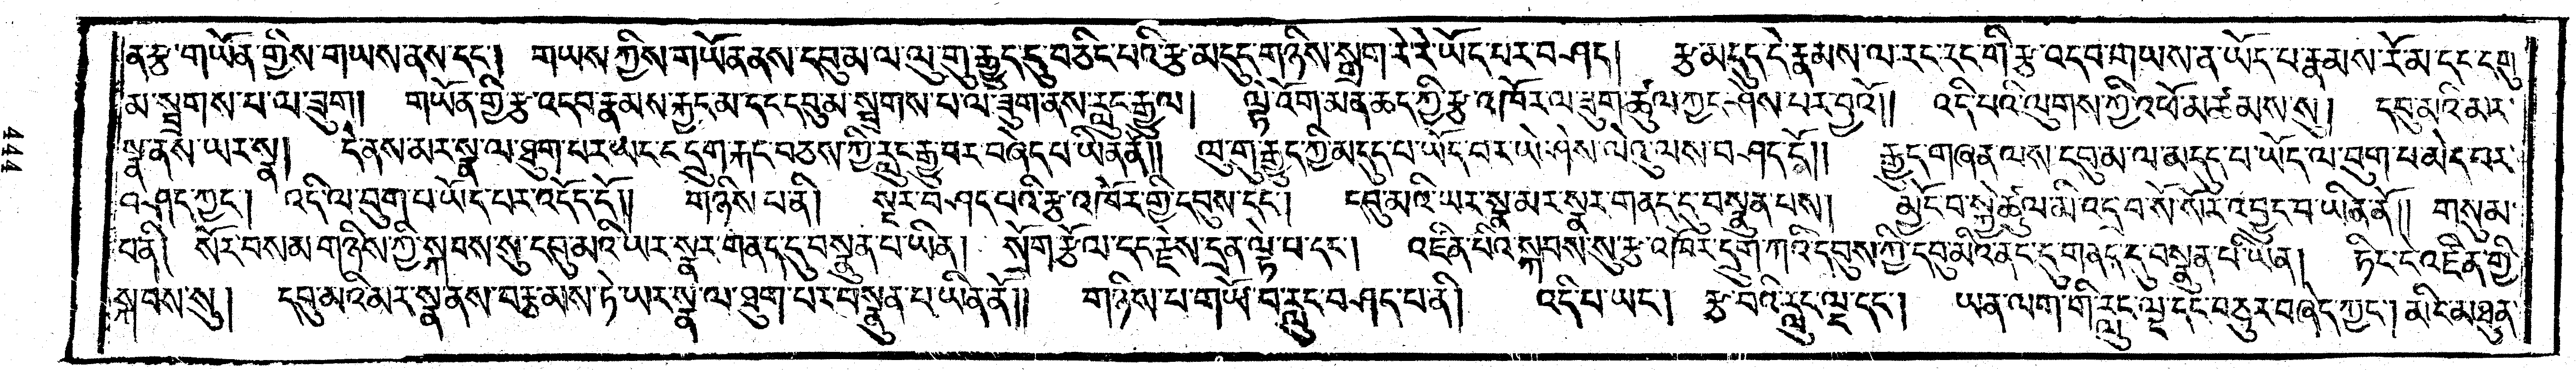ན་རྩ་གཡོན་གྱིས་གཡས་ནས་དང་། གཡས་ཀྱིས་གཡོན་ནས་དབུ་མ་ལ་ལུ་གུ་རྒྱུད་དུ་བཅིང་པའི་རྩ་མདུད་གཉིས་སྒྲག་རེ་རེ་ཡོད་པར་བཤད། རྩ་མདུད་དེ་རྣམས་ལ་རང་རང་གི་རྩ་འདབ་གཡས་ན་ཡོད་པ་རྣམས་རོ་མ་དང་དགུ་
མ་སྦྲགས་པ་ལ་ཟུག། གཡོན་གྱི་རྩ་འདབ་རྣམས་རྐྱང་མ་དང་དབུ་མ་སྦྲགས་པ་ལ་ཟུག་ནས་རླུང་རྒྱུ་ལ། ལྟེ་འོག་མན་ཆད་ཀྱི་རྩ་འཁོར་ལ་ཟུག་ཚུལ་ཀྱང་ཤེས་པར་བྱའོ།། འདི་པའི་ལུགས་ཀྱི་འཕོ་མཚམས་སུ། དབུ་མའི་མར་
སྣ་ནས་ཡར་སྣ། དེ་ནས་མར་སྣ་ལ་ཐུག་པར་ཡང་ང་དྲུག་རྐང་བཅས་ཀྱི་རླུང་རྒྱུ་བར་བཞེད་པ་ཡིན་ནོ།། ལུ་གུ་རྒྱུད་ཀྱི་མདུད་པ་ཡོད་བར་ཡེ་ཤེས་ལེའུ་ལས་བཤད་དོ།། རྒྱུད་གཞན་ལས་དབུ་མ་ལ་མདུད་པ་ཡོད་ལ་བུག་པ་མེད་བར་
བཤད་ཀྱང་། འདི་ལ་བུག་པ་ཡོད་པར་འདོད་དོ།། གཉིས་པ་ནི། སྔར་བཤད་པའི་རྩ་འཁོར་གྱི་དབུས་དང་། དབུ་མའི་ཡར་སྣ་མར་སྣར་གནད་དུ་བསྣུན་པས། མྱོང་བ་སྐྱེ་ཚུལ་མི་འདྲ་བ་སོ་སོར་འབྱུང་བ་ཡིན་ནོ།། གསུམ་
བ་ནི། སོར་བསམ་གཉིས་ཀྱི་སྐབས་སུ་དབུ་མའི་ཡར་སྣར་གནད་དུ་བསྣུན་པ་ཡིན། སྲོག་རྩོལ་དང་རྗེས་དྲན་ལྟེ་བ་དང་། འཛིན་པའི་སྐབས་སུ་རྩ་འཁོར་དྲུག་ཀའི་དབུས་ཀྱི་དབུ་མའི་ནང་དུ་གནད་དུ་བསྣུན་པ་ཡིན། ཏིང་ངེ་འཛིན་གྱི་
སྐབས་སུ། དབུ་མའི་མར་སྣ་ནས་བརྩམས་ཏེ་ཡར་སྣ་ལ་ཐུག་པར་བསྣུན་པ་ཡིན་ནོ།། གཉིས་པ་གཡོ་བ་རླུང་བཤད་པ་ནི། འདི་པ་ཡང་། རྩ་བའི་རླུང་ལྔ་དང་། ཡན་ལག་གི་རླུང་ལྔ་དང་བཅུར་བཞེད་ཀྱང་། མིང་མཐུན་